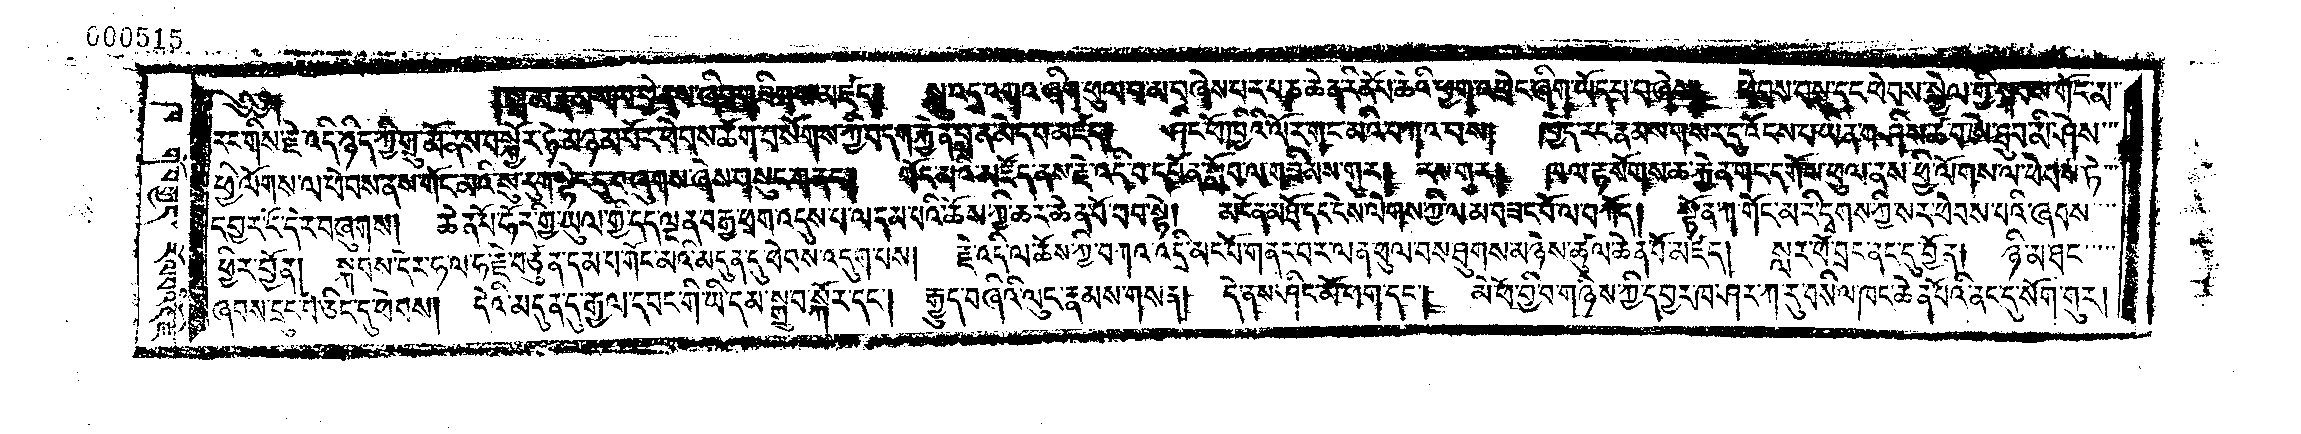༄༅། །སྒམ་རྣམས་ཁ་ཕྱེ་ནས་ཞིབ་གཟིགས་མཛད། སྐུ་འདྲ་འགའ་ཞིག་ཕུལ་བ་མ་བཞེས་པར་པཎ་ཆེན་རིན་པོ་ཆེའི་ཕྱག་འཕྲེང་ཞིག་ཡོད་པ་བཞེས། ཕེབས་བསུ་དང་ཕེབས་སྐྱེལ་གྱི་སྐབས་གོང་མ་
རང་གིས་རྗེ་འདི་ཉིད་ཀྱི་གྲུ་མོ་ནས་བསྐྱོར་ཏེ་མཉམ་པོར་ཕེབས་ཆོག་པ་སོགས་ཀྱི་བདག་རྐྱེན་བླ་ན་མེད་པ་མཛད། ཤིང་ཕོ་ཁྱིའི་ལོར་གོང་མའི་བཀའ་ལས། ཁྱེད་རང་རྣམས་གསར་དུ་འོངས་པ་ཡིན་གཤིས་ཚ་བ་ཨེ་ཐུབ་མི་ཤེས་
ཕྱི་ལོགས་ལ་ཕེབས་ནས་གོང་མའི་སུ་རུག་སྟེང་དུ་བཞུགས་ཞེས་གསུང་གནང་། གོང་མའི་མཛོད་ནས་རྗེ་འདི་བ་དཔོན་སློབ་ལ་གཟིམས་གུར། རས་གུར། ཁལ་རྟ་སོགས་ཆ་རྐྱེན་གང་དགོས་ཕུལ་ནས་ཕྱི་ལོགས་ལ་ཕེབས་ཏེ་
དབྱར་ངོ་དེར་བཞུགས། ཆེན་པོ་ཧོར་གྱི་ཡུལ་གྱི་དད་ལྡན་བརྒྱ་ཕྲག་འདུས་པ་ལ་དམ་པའི་ཆོས་ཀྱི་ཆར་ཆེན་པོ་ཕབ་སྟེ། མངོན་མཐོ་དང་ངེས་ལེགས་ཀྱི་ལམ་བཟང་པོ་ལ་བཀོད། སྟོན་ཀ་གོང་མ་རི་དྭགས་ཀྱི་སར་ཕེབས་པའི་ཞབས་
ཕྱིར་བྱོན། སྐབས་དེར་ཧལ་ཧ་རྗེ་བཙུན་དམ་པ་གོང་མའི་མདུན་དུ་ཕེབས་འདུག་པས། རྗེ་འདི་ལ་ཆོས་ཀྱི་བཀའ་འདྲི་མང་པོ་གནང་བར་ལན་ཕུལ་བས་ཐུགས་མཉེས་ཚུལ་ཆེན་པོ་མཛད། སླར་ཕོ་བྲང་ནང་དུ་བྱོན། ཉི་མ་ཐད་
ཞབས་དྲུང་བེ་ཅིང་དུ་ཕེབས། དེའི་མདུན་དུ་རྒྱལ་དབང་གི་ཡི་དམ་སྒྲུབ་སྐོར་དང་། རྒྱུད་བཞིའི་ལུང་རྣམས་གསན། དེ་ནས་ཤིང་མོ་ཕག་དང་། མེ་ཕོ་བྱི་བ་གཉིས་ཀྱི་དབྱར་ཁ་ཤར་ཀ་རུ་བསིལ་ཁང་ཆེན་པོའི་ནང་དུ་སོག་གུར།